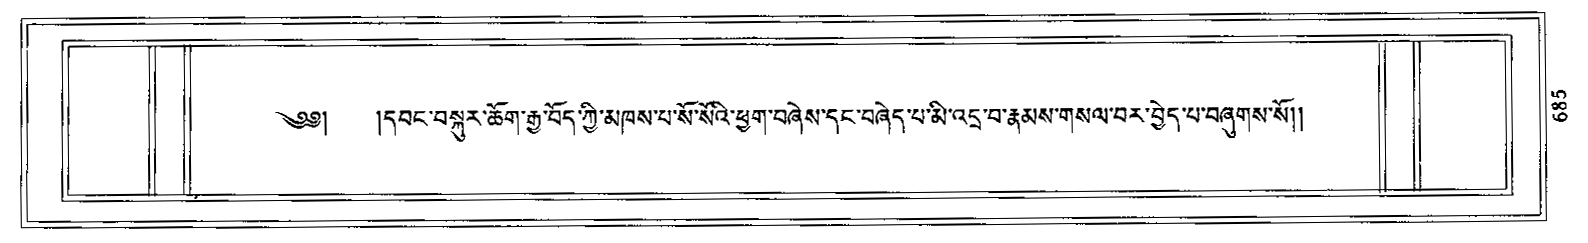༄༅། །དབང་བསྐུར་ཆོག་རྒྱ་བོད་ཀྱི་མཁས་པ་སོ་སོའི་ཕྱག་བཞེས་དང་བཞེད་པ་མི་འདྲ་བ་རྣམས་གསལ་བར་བྱེད་པ་བཞུགས་སོ།།